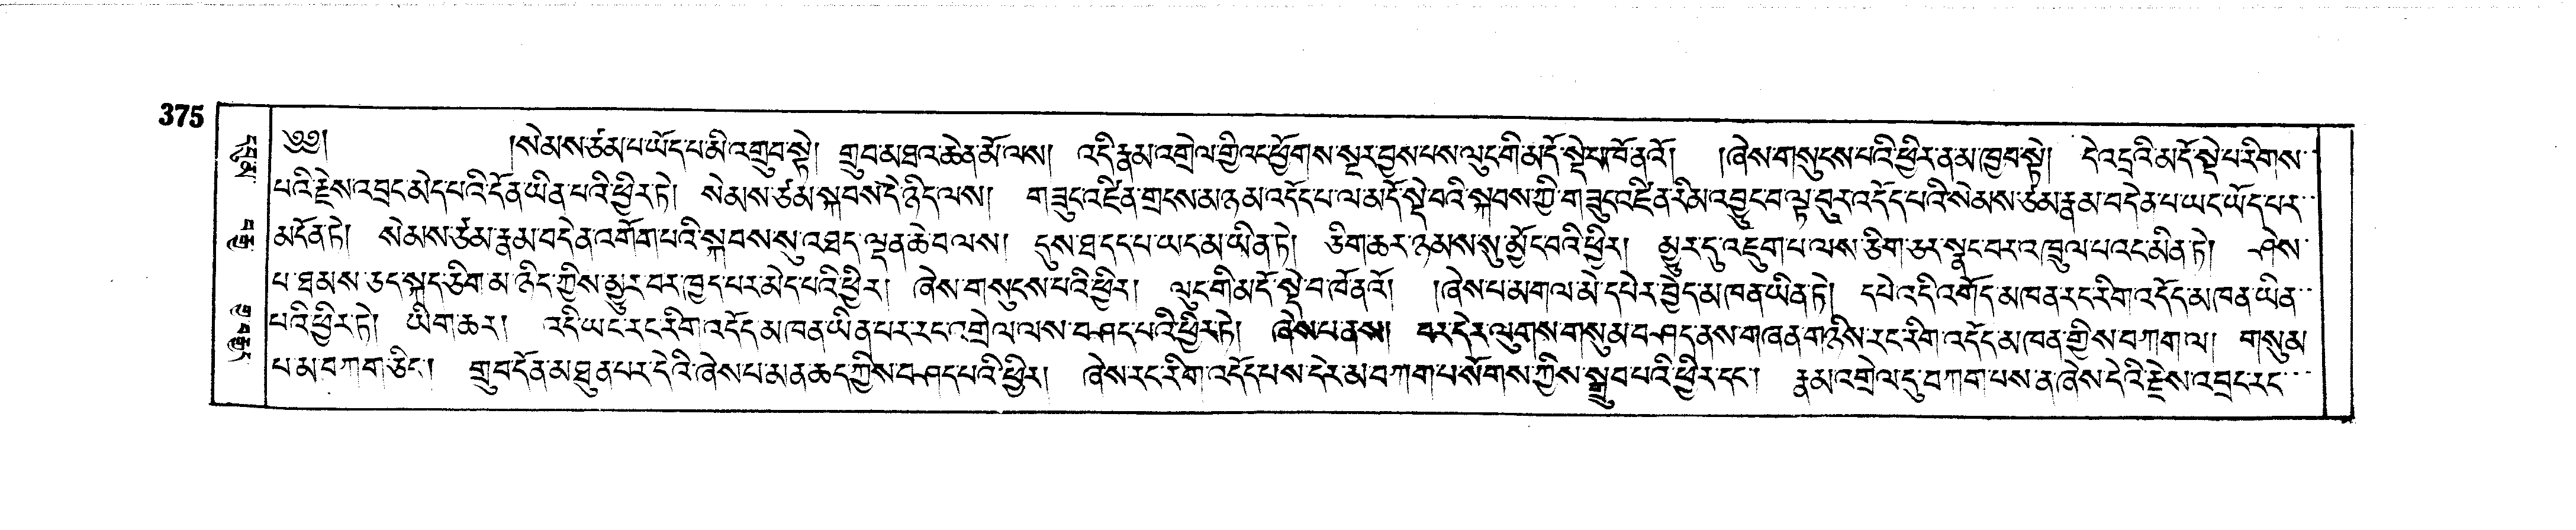༄༅། །སེམས་ཙམ་པ་ཡོད་པ་མི་འགྲུབ་སྟེ། གྲུབ་མཐའ་ཆེན་མོ་ལས། འདི་རྣམ་འགྲེལ་གྱིའང་ཕྱོགས་སྔར་བྱས་པས་ལུང་གི་མདོ་སྡེ་པ་ཁོ་ནའོ། །ཞེས་གསུངས་པའི་ཕྱིར་ན་མ་ཁྱབ་སྟེ། དེ་འདྲའི་མདོ་སྡེ་པ་རིགས་
པའི་རྗེས་འབྲང་མེད་པའི་དོན་ཡིན་པའི་ཕྱིར་ཏེ། སེམས་ཙམ་སྐབས་དེ་ཉིད་ལས། གཟུང་འཛིན་གྲངས་མཉམ་འདོད་པ་ལ་མདོ་སྡེ་བའི་སྐབས་ཀྱི་གཟུང་འཛིན་རིམ་འབྱུང་བ་ལྟ་བུར་འདོད་པའི་སེམས་ཙམ་རྣམ་བདེན་པ་ཡང་ཡོད་པར་
མངོན་ཏེ། སེམས་ཙམ་རྣམ་བདེན་འགོག་པའི་སྐབས་སུ་འཐད་ལྡན་ཆེ་བ་ལས། དུས་ཐ་དད་པ་ཡང་མ་ཡིན་ཏེ། ཅིག་ཆར་ཉམས་སུ་མྱོང་བའི་ཕྱིར། མྱུར་དུ་འཇུག་པ་ལས་ཅིག་ཅར་སྣང་བར་འཁྲུལ་པའང་མིན་ཏེ། ཤེས་
པ་ཐམས་ཅད་སྐད་ཅིག་མ་ཉིད་ཀྱིས་མྱུར་བར་ཁྱད་པར་མེད་པའི་ཕྱིར། ཞེས་གསུངས་པའི་ཕྱིར། ལུང་གི་མདོ་སྡེ་བ་ཁོ་ནའོ། །ཞེས་པ་མགལ་མེ་དཔེར་བྱེད་མཁན་ཡིན་ཏེ། དཔེ་འདི་འགོད་མཁན་རང་རིག་འདོད་མཁན་ཡིན་
པའི་ཕྱིར་ཏེ། ཡིག་ཆར། འདི་ཡང་རང་རིག་འདོད་མཁན་ཡིན་པར་རང་འགྲེལ་ལས་བཤད་པའི་ཕྱིར་ཏེ། ཞེས་པ་ནས། བར་དེར་ལུགས་གསུམ་བཤད་ནས་གཞན་གཉིས་རང་རིག་འདོད་མཁན་གྱིས་བཀག་ལ། གསུམ་
པ་མ་བཀག་ཅིང་། གྲུབ་དོན་མཐུན་པར་དེའི་ཞེས་པ་མན་ཆད་ཀྱིས་བཤད་པའི་ཕྱིར། ཞེས་རང་རིག་འདོད་པས་དེར་མ་བཀག་པ་སོགས་ཀྱིས་སྒྲུབ་པའི་ཕྱིར་དང་། རྣམ་འགྲེལ་དུ་བཀག་པས་ན་ཞེས་དེའི་རྗེས་འབྲང་རང་